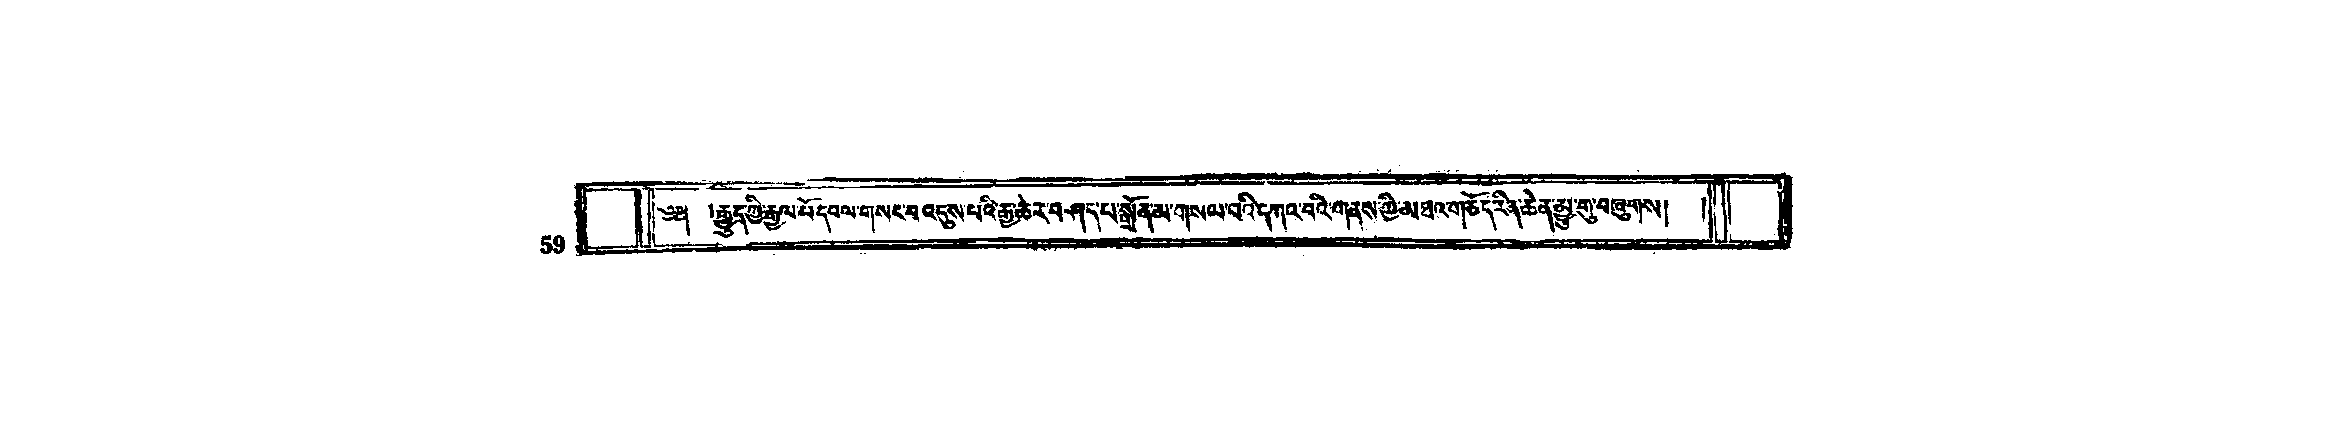༄༅། །རྒྱུད་ཀྱི་རྒྱལ་པོ་དཔལ་གསང་བ་འདུས་པའི་རྒྱ་ཆེར་བཤད་པ་སྒྲོན་མ་གསལ་བའི་དཀའ་བའི་གནས་ཀྱི་མཐའ་གཅོད་རིན་ཆེན་མྱུ་གུ་བཞུགས། །